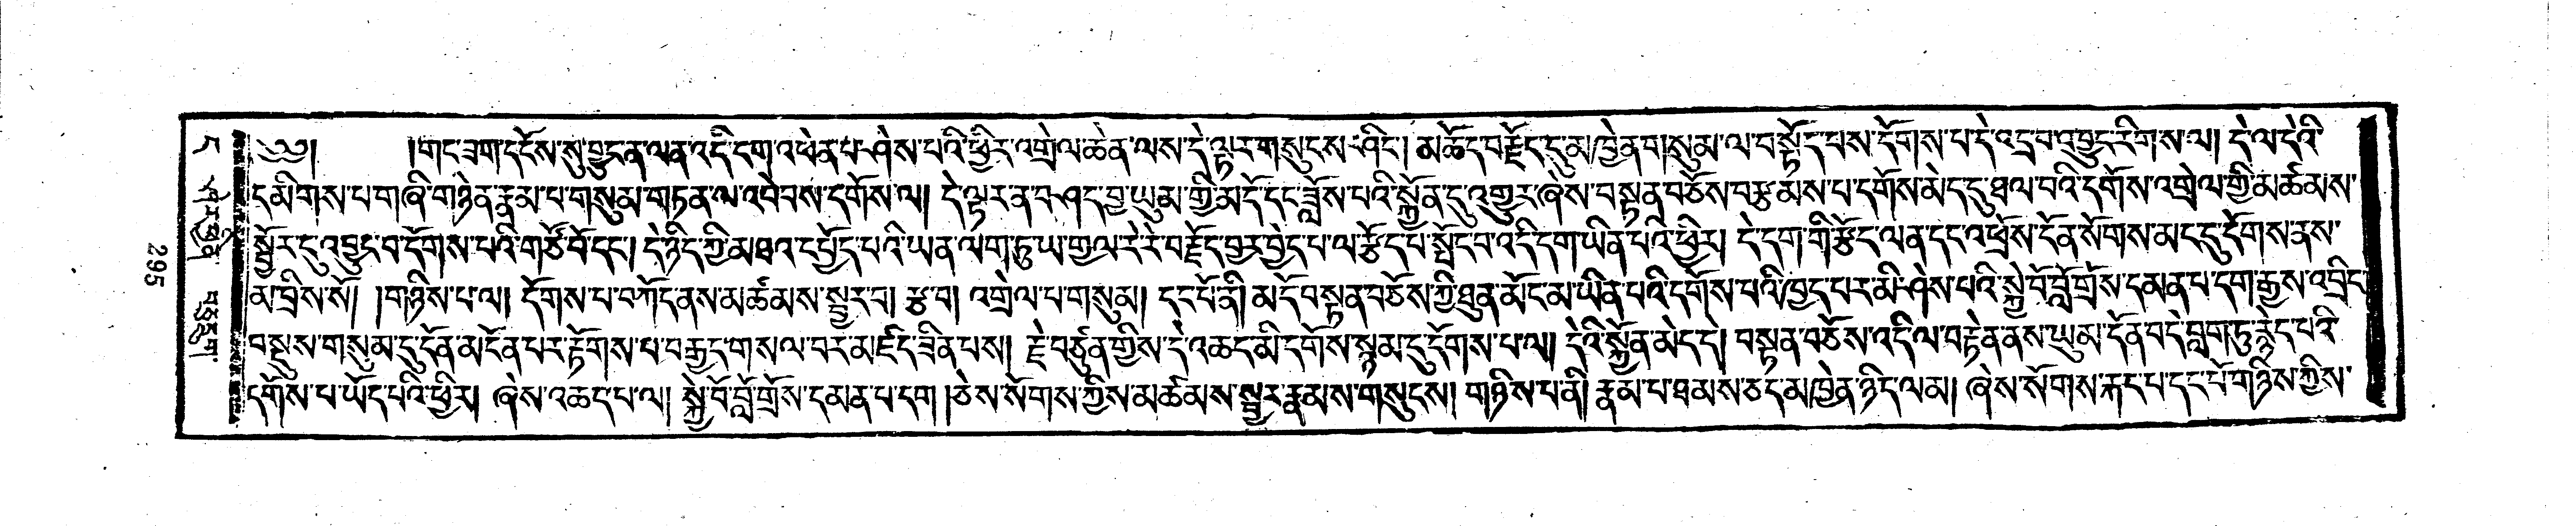༄༅། །གང་ཟག་དངོས་སུ་བྱུང་ན་ལན་འདི་དག་འཕེན་པ་ཤེས་པའི་ཕྱིར་འགྲེལ་ཆེན་ལས་དེ་ལྟར་གསུངས་ཤིང་། མཆོད་བརྗོད་དུ་མཁྱེན་གསུམ་ལ་བསྟོད་པས་དོགས་པ་དེ་འདྲ་བ་འབྱུང་རིགས་ལ། དེ་ལ་དེའི་
དམིགས་པ་གཞི་གཉེན་རྣམ་པ་གསུམ་གཏན་ལ་འབེབས་དགོས་ལ། དེ་ལྟར་ན་བཤད་བྱ་ཡུམ་གྱི་མདོ་དང་ཟློས་པའི་སྐྱོན་དུ་འགྱུར་ཞེས་བསྟན་བཅོས་བརྩམས་པ་དགོས་མེད་དུ་ཐལ་བའི་དགོས་འགྲེལ་གྱི་མཚམས་
སྦྱོར་དུ་འབྱུང་བ་དོགས་པའི་གཙོ་བོ་དང་། དེ་ཉིད་ཀྱི་མཐའ་དཔྱོད་པའི་ཡན་ལག་ཏུ་ཡ་གྱལ་རེ་རེ་བརྗོད་བྱར་བྱེད་པ་ལ་རྩོད་པ་སྤོང་བ་འདི་དག་ཡིན་པའི་ཕྱིར། དེ་དག་གི་རྩོད་ལན་དང་འཕྲོས་དོན་སོགས་མང་དུ་དོགས་ནས་
མ་བྲིས་སོ། །གཉིས་པ་ལ། དོགས་པ་བཀོད་ནས་མཚམས་སྦྱར་བ། རྩ་བ། འགྲེལ་པ་གསུམ། དང་པོ་ནི། མདོ་བསྟན་བཅོས་ཀྱི་ཐུན་མོང་མ་ཡིན་པའི་དགོས་པའི་ཁྱད་པར་མི་ཤེས་པའི་སྐྱེ་བ་བློ་གྲོས་དམན་པ་དག་རྒྱས་འབྲིང་
བསྡུས་གསུམ་དུ་དོན་མངོན་པར་རྟོགས་པ་བརྒྱད་གསལ་བར་མཛད་ཟིན་པས། རྗེ་བཙུན་གྱིས་དེ་འཆད་མི་དགོས་སྙམ་དུ་དོགས་པ་ལ། དེའི་སྐྱོན་མེད་དེ། བསྟན་བཅོས་འདི་ལ་བརྟེན་ནས་ཡུམ་དོན་བདེ་བླག་ཏུ་རྙེད་པའི་
དགོས་པ་ཡོད་པའི་ཕྱིར། ཞེས་འཆད་པ་ལ། སྐྱེ་བོ་བློ་གྲོས་དམན་པ་དག །ཅེས་སོགས་ཀྱིས་མཚམས་སྦྱར་རྣམས་གསུངས། གཉིས་པ་ནི། རྣམ་པ་ཐམས་ཅད་མཁྱེན་ཉིད་ལམ། ཞེས་སོགས་རྐང་པ་དང་པོ་གཉིས་ཀྱིས་